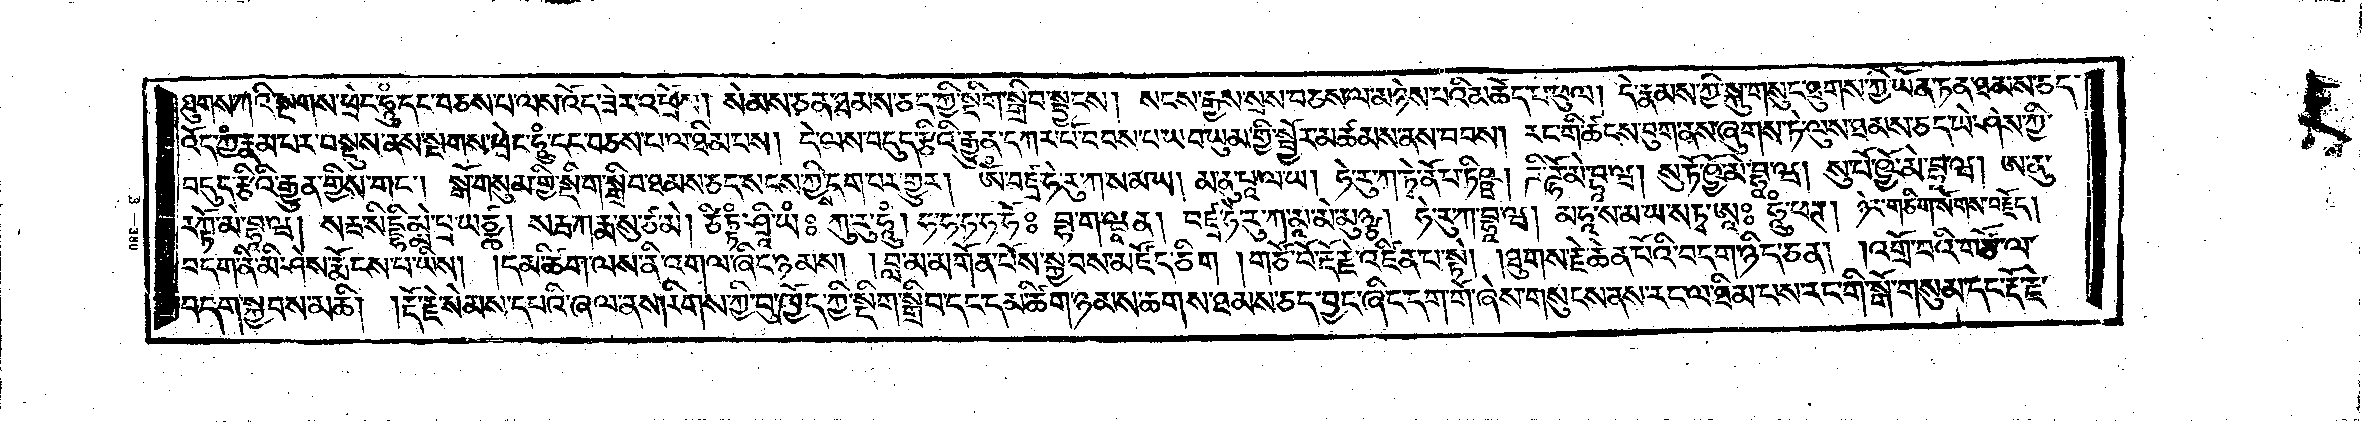ཐུགས་ཀའི་སྔགས་ཕྲེང་ཧཱུཾ་དང་བཅས་པ་ལས་འོད་ཟེར་འཕྲོས། སེམས་ཅན་ཐམས་ཅད་ཀྱི་སྡིག་སྒྲིབ་སྦྱངས། སངས་རྒྱས་སྲས་བཅས་ལ་མཉེས་པའི་མཆོད་པ་ཕུལ། དེ་རྣམས་ཀྱི་སྐུ་གསུང་ཐུགས་ཀྱི་ཡོན་ཏན་ཐམས་ཅད་
འོད་ཀྱཾ་རྣམ་པར་བསྡུས་ནས་སྔགས་ཕྲེང་ཧཱུཾ་དང་བཅས་པ་ལ་ཐིམ་པས། དེ་ལས་བདུད་རྩིའི་རྒྱུན་དཀར་པོ་བབས་པ་ཡབ་ཡུམ་གྱི་སྦྱོར་མཚམས་ནས་བབས། རང་གི་ཚངས་བུག་ནས་ཞུགས་ཏེ་ལུས་ཐམས་ཅད་ཡེ་ཤེས་ཀྱི་
བདུད་རྩིའི་རྒུན་གྱིས་གང་། སྒོ་གསུམ་གྱི་སྡིག་སྒྲིབ་ཐམས་ཅད་སངས་ཀྱིས་དག་པར་གྱུར། ཨོཾ་བཛྲ་ཧེ་རུ་ཀ་ས་མ་ཡ། མ་ནུ་པའ་ལ་ཡ། ཧེ་རུ་ཀ་ཏྲེ་ནོ་པ་ཏིཥཊཿཨ། ཌི་ཌཿཨོ་མེ་བྷཱ་ཝ། སུ༧་ཏོ་ཥྱོ་མེ་བྷཱ་ཝ། སུ་པོ་ཥྱོ་མེ་བྷ་ཝ། ཨ་ནུ་
རོཀྟ་མེ་བྷཱ་ཝ། སརྦ་སི་དྡྷི་མྨེ་པྲ་ཡཙྪ། སརྦ་ཀརྨ་སུ་ཙ་མེ། ཙི་ཏྟཾ་ཤྲཱི་ཡཾཿ ཀུ་རུ་ཧཱུཾ། ཧ་ཧ་ཧ་ཧ་ཧོཿ བྷ་ག་ཝའ་ན། བཛྲ་ཇེ་རུ་ཀ་མཱ་མེ་མུཉྩ། ཧེ་རུ་ཀ་བྷཱ་ཝ། མཧཱ་ས་མ་ཡ་ས་ཏྭ་ཨཱཿ ཧཱུཾ་ཕཊ། ཉེར་གཅིག་སོགས་བརྗོད།
བདག་ནི་མི་ཤེས་རྨོངས་པ་ཡིས། །དམ་ཚོག་ལས་ནི་འགལ་ཞིང་ཉམས། །བླ་མ་མགོན་པོས་སྐྱབས་མཛོད་ཅིག །གཙོ་བོ་རྡོ་རྗེ་འཛིན་པ་སྟེ། །ཐུགས་རྗེ་ཆེན་པོའི་བདག་ཉིད་ཅན། །འགྲོ་བོའི་གཙོ་ལ་
བདག་སྐྱབས་མཆི། །རྡོ་རྗེ་སེམས་དཔའི་ཞལ་ནས། རིགས་ཀྱི་བུ་ཁྱོད་ཀྱི་སྡིག་སྒྲིབ་དང་དམ་ཚོག་ཉམས་ཆགས་ཐམས་ཅད་བྱང་ཞིང་དག་གོ་ཞེས་གསུངས་ནས་རང་ལ་ཐིམ་པས་རང་གི་སྒོ་གསུམ་དང་རྡོ་རྗེ་